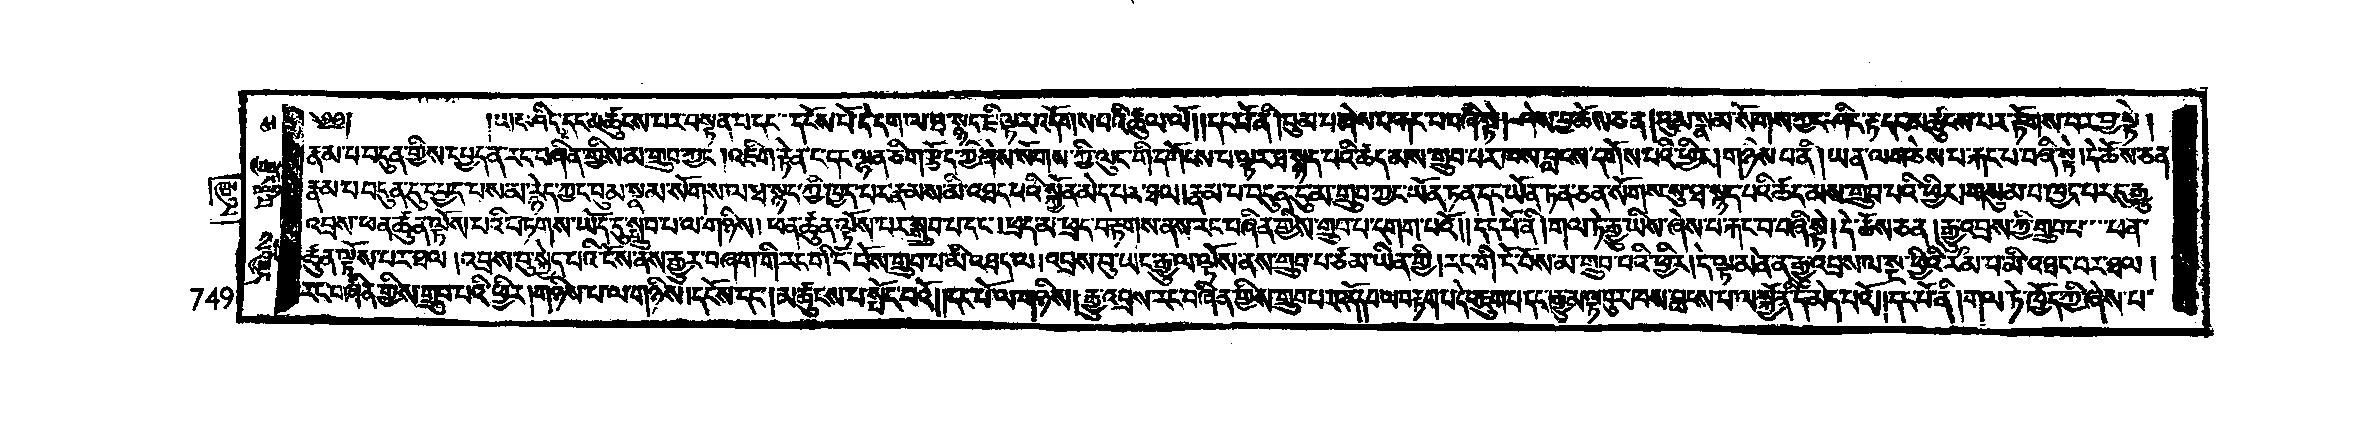༄༅། །ཡང་ཤིང་དང་མཚུངས་པར་བསྟན་པ་དང་དངོས་པོ་དེ་དག་ལ་ཐ་སྙད་ཇི་ལྟར་འདོགས་པའི་ཚུལ་ལོ། །དང་པོ་ནི། བུམ་པ་ཞེས་པ་རྐང་པ་བཞི་སྟེ། ཤེས་བྱ་ཆོས་ཅན། བུམ་སྣམ་སོགས་ཀྱང་ཤིང་རྟ་དང་མཚུངས་པར་རྟོགས་པར་བྱ་སྟེ།
རྣམ་པ་བདུན་གྱིས་དཔྱད་ན་རང་བཞིན་གྱིས་མ་གྲུབ་ཀྱང་། འཇིག་རྟེན་ང་དང་ལྷན་ཅིག་རྩོད་ཀྱི་ཞེས་སོགས་ཀྱི་ལུང་གི་དགོངས་པ་ལྟར་ཐ་སྙད་པའི་ཚད་མས་གྲུབ་པར་ཁས་བླངས་དགོས་པའི་ཕྱིར། གཉིས་པ་ནི། ཡན་ལག་ཅེས་པ་རྐང་པ་བཞི་སྟེ། དེ་ཆོས་ཅན་
རྣམ་པ་བདུན་དུ་དཔྱད་པས་མ་རྙེད་ཀྱང་བུམ་སྣམ་སོགས་ལ་ཐ་སྙད་ཀྱི་ཁྱད་པར་རྣམས་མི་འཐད་པའི་སྐྱོན་མེད་པར་ཐལ། རྣམ་པ་བདུན་དུ་མ་གྲུབ་ཀྱང་ཡོན་ཏན་དང་ཡོན་ཏན་ཅན་སོགས་སུ་ཐ་སྙད་པའི་ཚད་མས་གྲུབ་པའི་ཕྱིར། གསུམ་པ་ཁྱད་པར་དུ་རྒྱུ་
འབྲས་ཕན་ཚུན་ལྟོས་པའི་བཏགས་ཡོད་དུ་སྒྲུབ་པ་ལ་གཉིས། ཕན་ཚུན་ལྟོས་པར་སྒྲུབ་པ་དང་། ཕྲད་མ་ཕྲད་བརྟགས་ནས་རང་བཞིན་གྱིས་གྲུབ་པ་དགག་པའོ། །དང་པོ་ནི། གལ་ཏེ་རྒྱུ་ཡིས་ཞེས་པ་རྐང་པ་བཞི་སྟེ། དེ་ཆོས་ཅན། རྒྱུ་འབྲས་ཀྱི་གྲུབ་པ་ཕན་
ཚུན་ལྟོས་པར་ཐལ། འབྲས་བུ་སྐྱེད་པའི་ངོས་ནས་རྒྱུར་བཞག་གི་རང་གི་ངོ་བོས་གྲུབ་པ་མི་འཐད་ལ། འབྲས་བུ་ཡང་རྒྱུ་ལ་ལྟོས་ནས་གྲུབ་པ་ཙམ་ཡིན་གྱི། རང་གི་ངོ་བོས་མ་གྲུབ་པའི་ཕྱིར། དེ་ལྟ་མིན་ན་རྒྱུ་འབྲས་ལ་སྔ་ཕྱིའི་རིམ་པ་མི་འཐད་པར་ཐལ།
རང་བཞིན་གྱིས་གྲུབ་པའི་ཕྱིར། གཉིས་པ་ལ་གཉིས། དངོས་དང་། མཚུངས་པ་སྤོང་བའོ། །དང་པོ་ལ་གཉིས། རྒྱུ་འབྲས་རང་བཞིན་གྱིས་གྲུབ་པར་འདོད་པ་ལ་བརྟག་པ་དེ་འཇུག་པ་དང་རྒྱུ་མ་ལྟ་བུར་ཁས་བླངས་པ་ལ་སྐྱོན་དེ་མེད་པའོ། །དང་པོ་ནི། གལ་ཏེ་ཁྱོད་ཀྱི་ཞེས་པ་